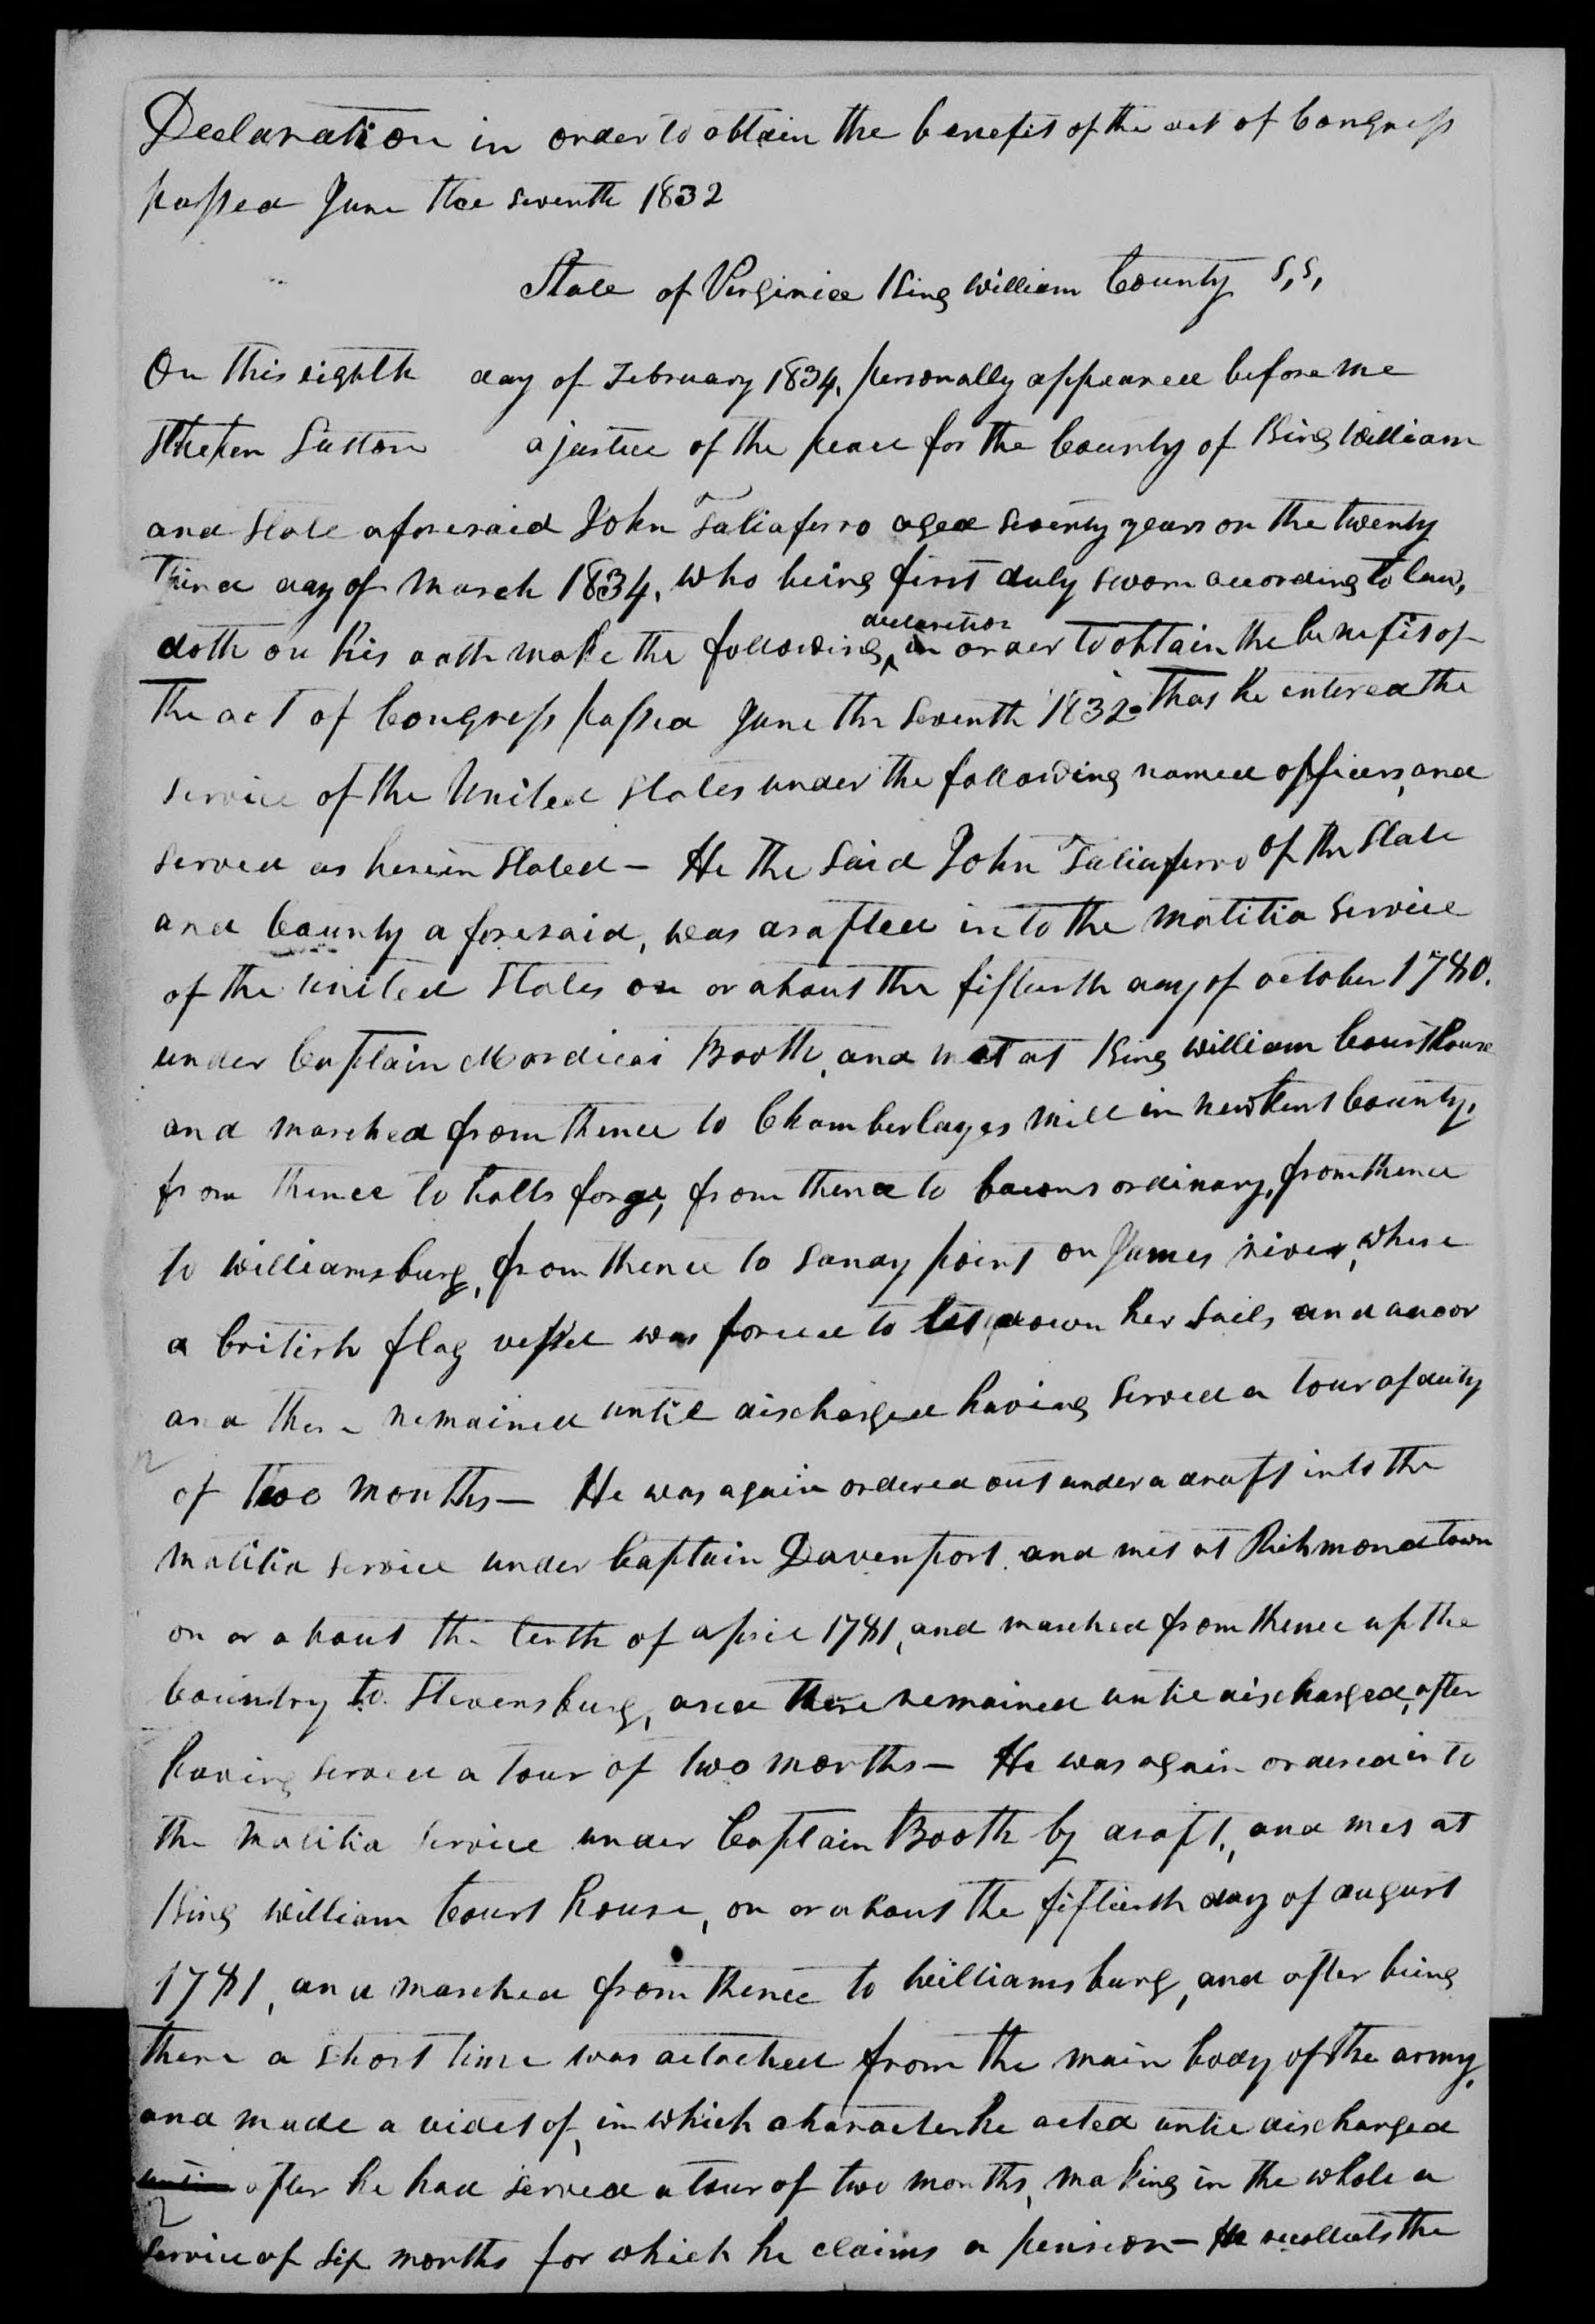Declaration in order to obtain the benefit of the act of Congress passed June the seventh 1832.

State of Virginia King William County S.S.
On this eighth day of February 1834, personally appeared before me Stephen Sutton a justice of the peace for the county of King William and state aforesaid John Taliaferro aged seventy years on the twenty third day of March 1834, being first duly sworn according to law, doth on his oath make the following declaration in order to obtain the benefit of the act of Congress passed June the seventh 1832 that he entered the service as herein stated. He the said John Taliaferro of the state and county aforesaid, was drafted into the militia service of the United States on or about the fifteenth day of October 1780 under Captain Mordicai Booth and  met at King William Courthouse and marched from thence to Chamberlains Mill  in New Kent County from thence to Halls [?] Forge, from thence to Carsons [?] ordinary, from thence to Williamsburg, from thence to Sandy Point on James river, where a British flag vessel was forced to let down her sail, and anchor and there remained until discharged having served a tour of duty of two months. He was again ordered out under a draft into the Militia service under Captain Davenport and met at Richmondtown on or about the tenth of April 1781, and marched from thence up the Country to Stevensburg, and there remained until discharged, after having served a tour of two months. He was again ordered into the Militia Service under Captain Booth by draft, and was at King William Court House on or about the fifteenth day of August 1781, and marched from thence to Williamsburg, and after being there a short time was attached from the main body of the army and made a [illegible - "wides of"?] in which character he acted until discharged after he had served a tour of two months, making in the whole a service of six months for which he claims a pension - he recollects the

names: Mordicai Booth; [BLANK] Davenport; [BLANK] Booth; John Taliaferro; John Taliaferro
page: 5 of 34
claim: survivor's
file: S. 19483, for John Taliaferro, Virginia